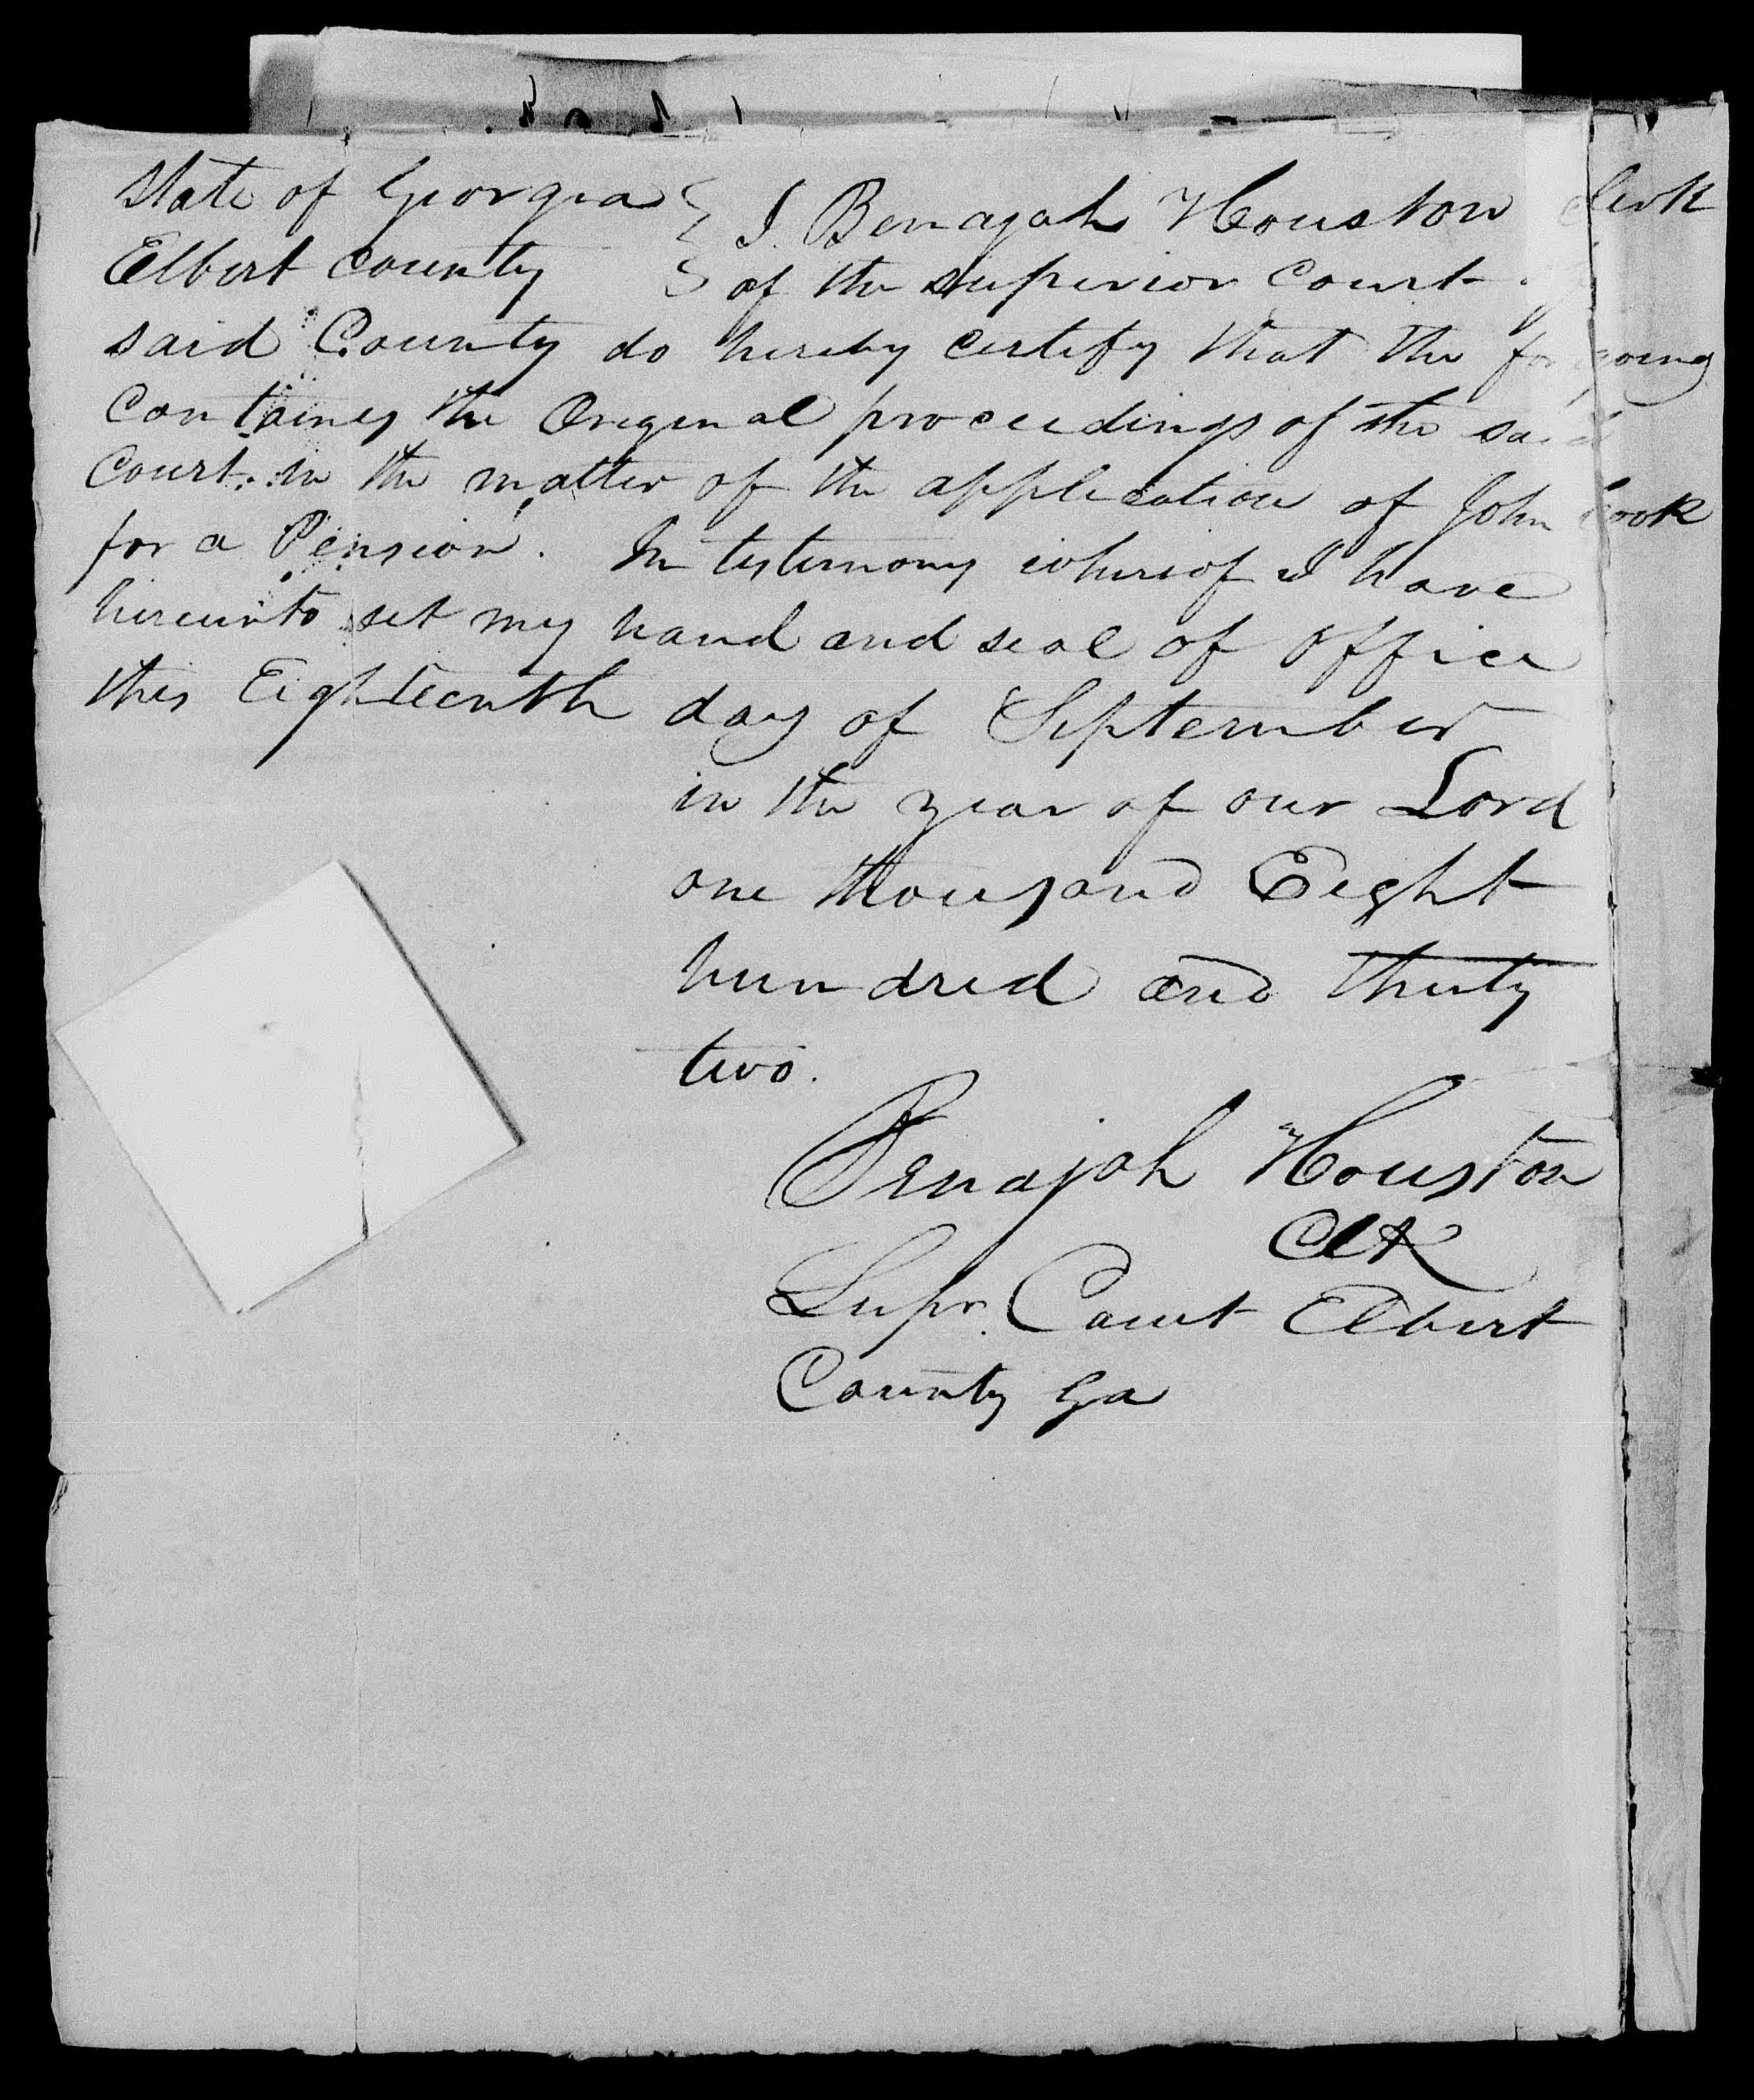State of Georgia  )
Elbert County      )
I Benajah Houston clerk of the superior court of said County do hereby certify that the foregoing contains the Original proceedings of the said Court in the matter of the application of John Cook for a Pension.  In testimony whereof I have herewith set my hand and seal of office this Eighteenth day of September
in the year of our Lord
one thousand Eight
hundred and thirty
two
Benajah Houston
Clk
Supr. Court Elbert
County Ga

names: John Cook, Benajah Houston, Benajah Houston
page: 7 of 18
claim: survivor's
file: S. 16,343, John Cook, N.C.